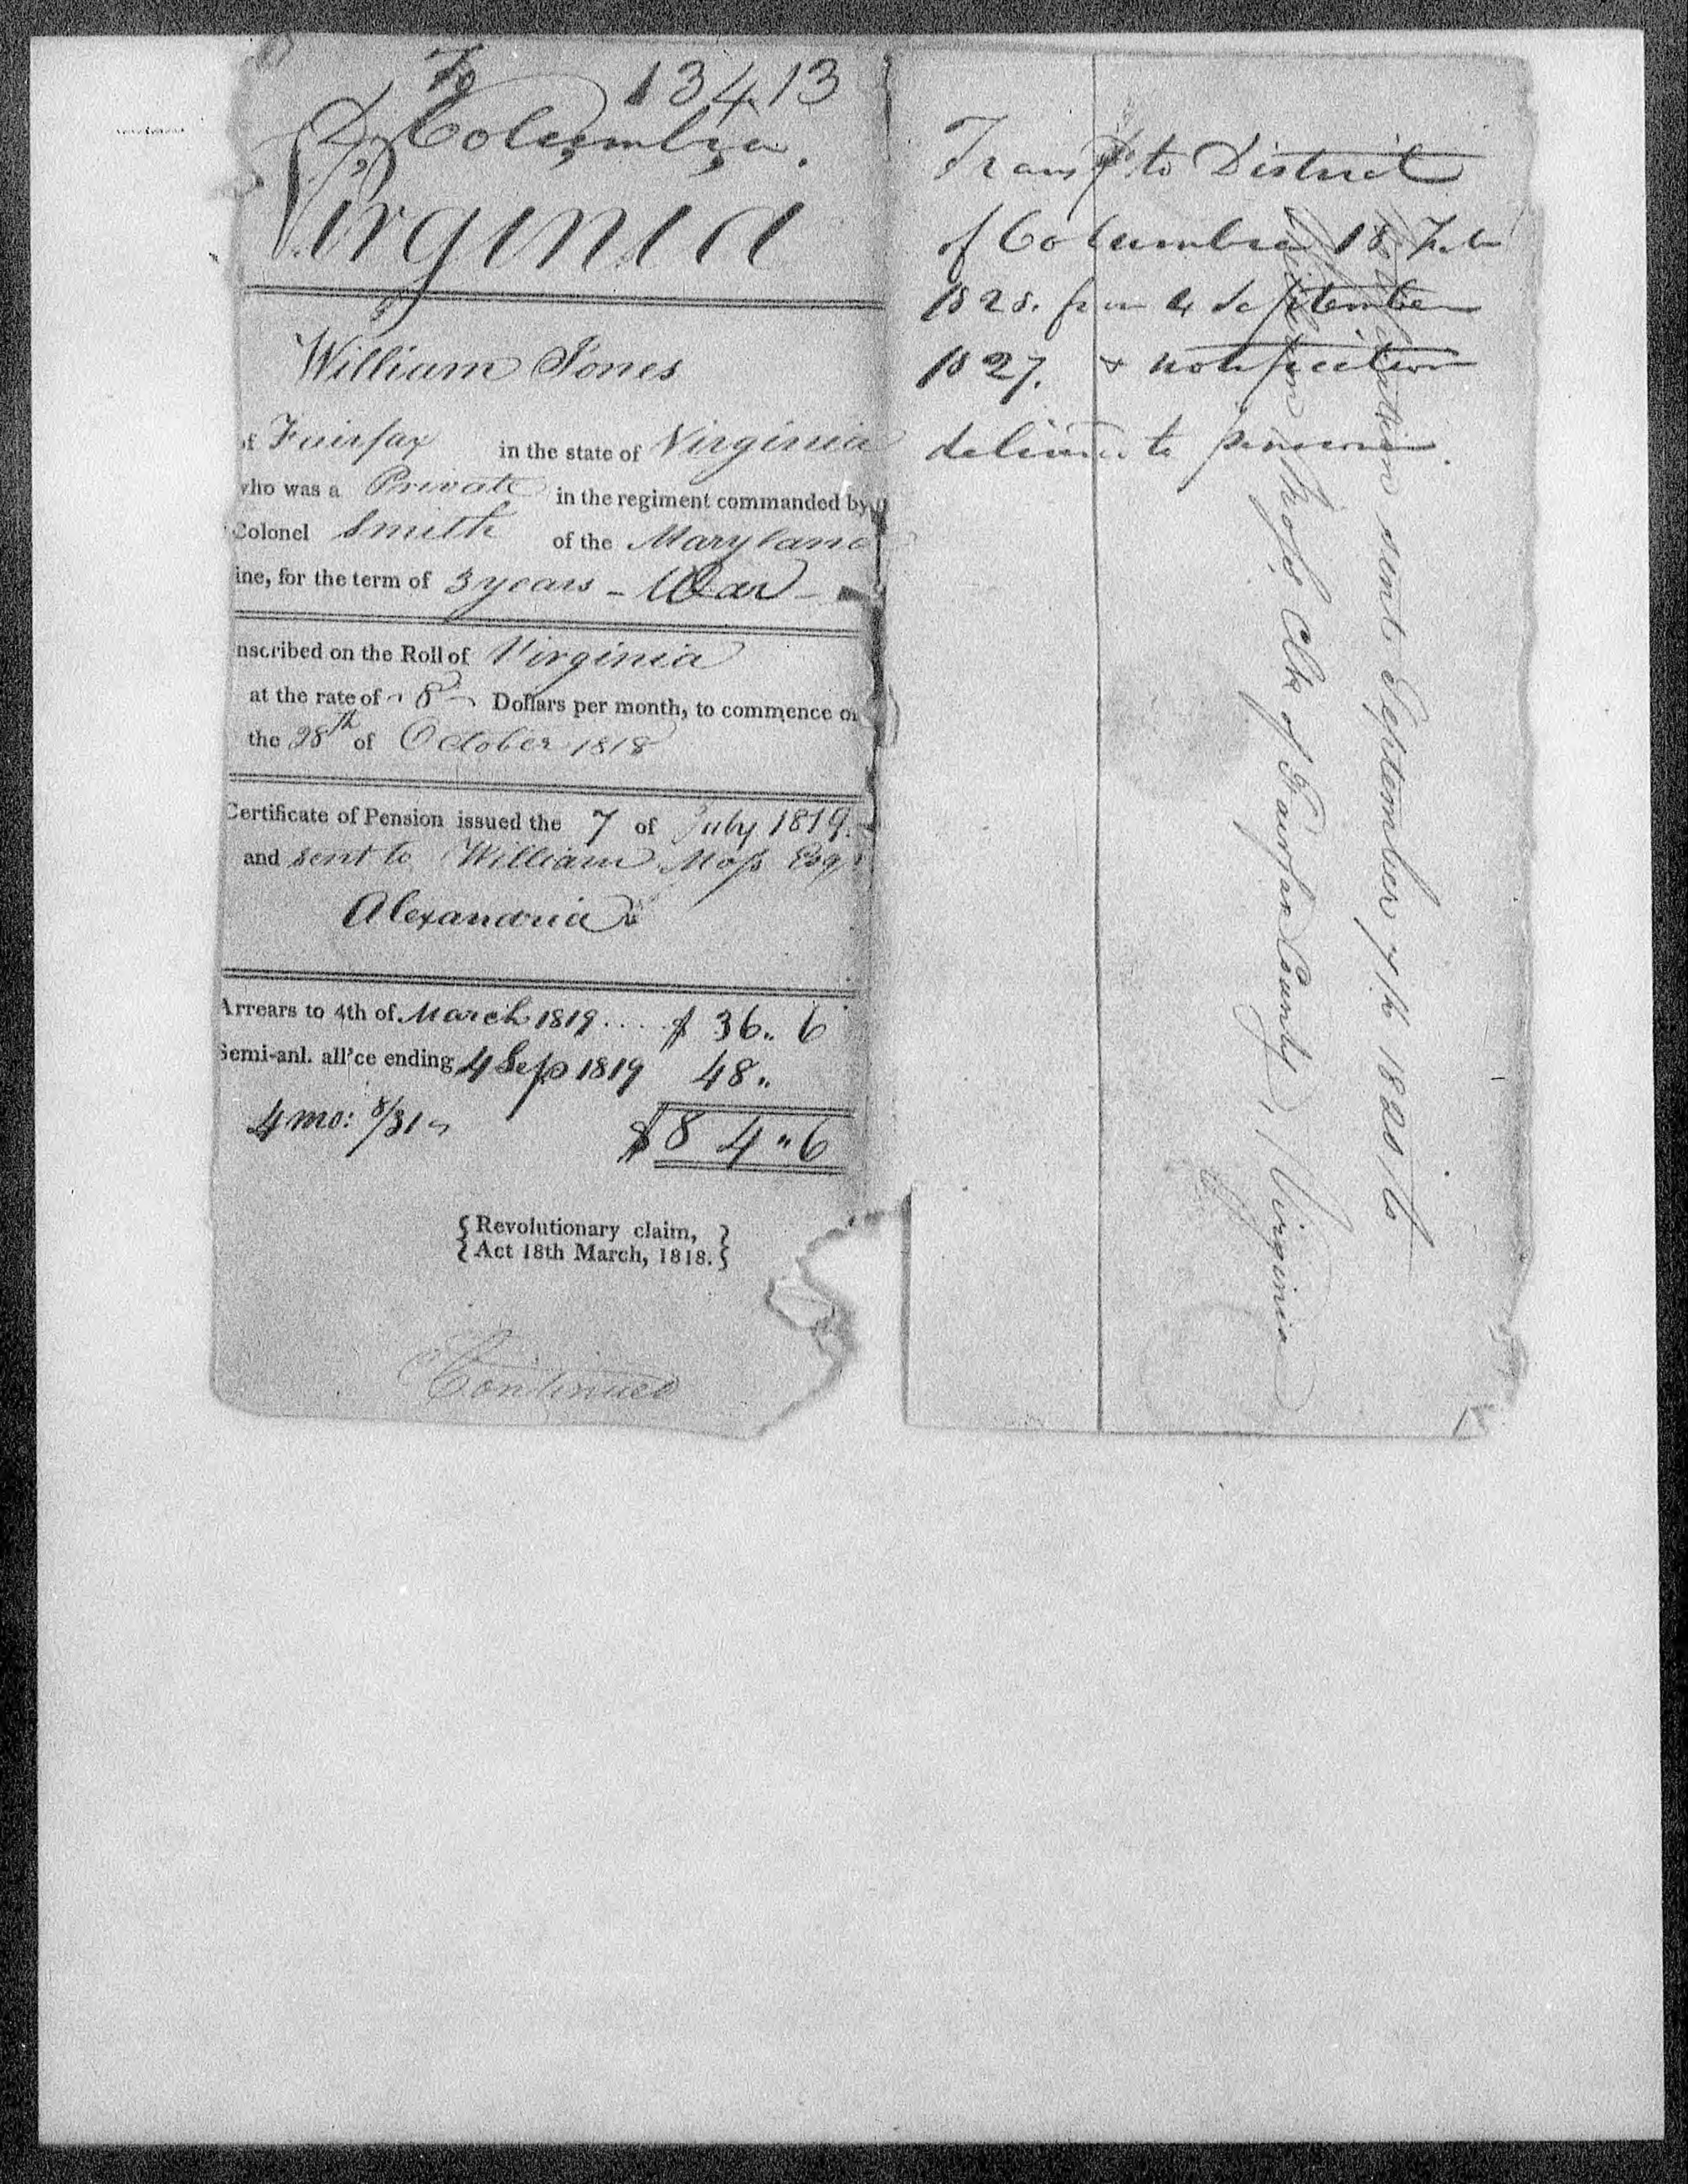[Left side of page]
To  13413
D. Columbia.

Virginia

William Jones
of Fairfax in the state of Virginia who was a Private in the regiment commanded by Colonel Smith of the Maryland line, for the term of 3 years - War -
Inscribed on the Roll of Virginia at the rate of -8- Dollars per month, to commence on the 28th of October 1818
Certificate of Pension issued 7 of July 1819 and sent to William Moss Esq Alexandria
Arrears to 4th of March 1819 ..... $36..6
Semi-anl. all's ending 4 Sep 1819  48..
4 mo: 8/31.                                $84..6

{Revolutionary claim}
{Act 18th March, 1818.}

Continued

[Right side of page]
Transfer to District of Columbia 18 Feb 1828 from 4 September 1827 + notification delivered to pensions.

Notification sent September 4th 1820 to William Moss, clk of Fairfax County, Virginia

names: William Jones; William Moss; [BLANK] Smith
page: 2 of 39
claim: widow's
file: W 6292, for William Jones, Maryland